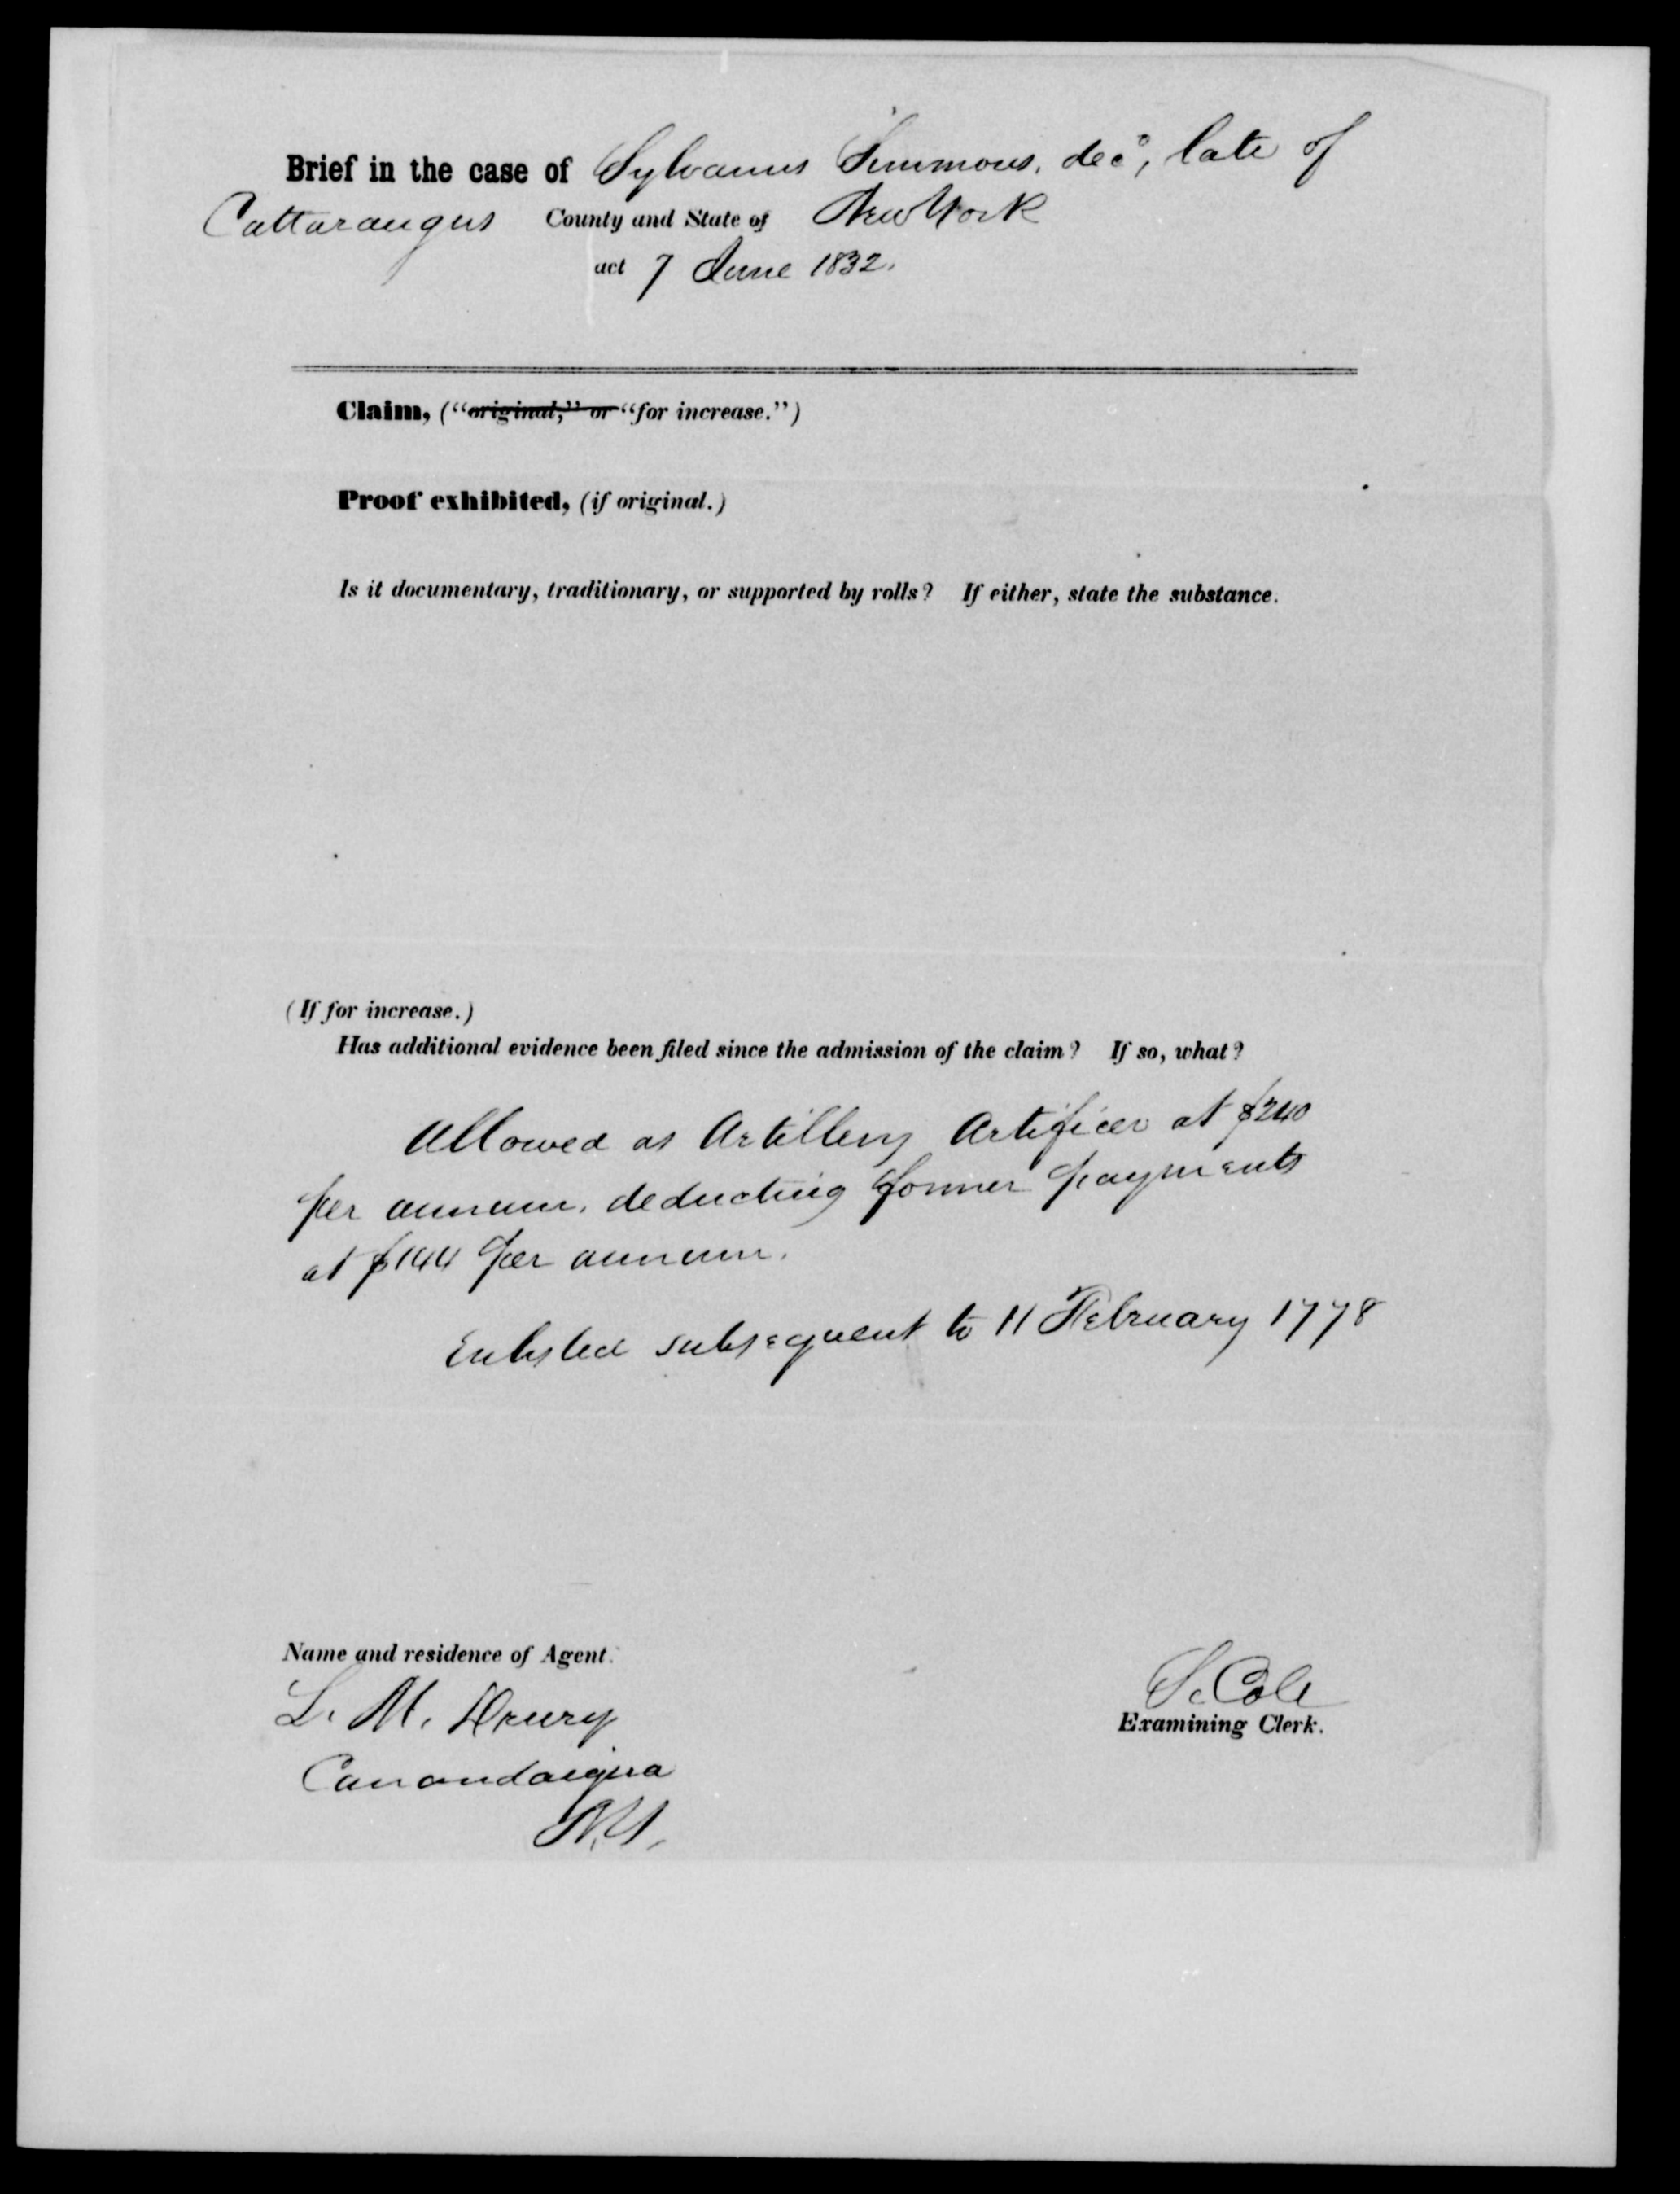Brief in the case of Sylvanus Simmons, decd late of
Cattaraugus County and State of New York
act 7 June 1832.
Claim, (original, or for increase.)
Proof exhibited, (if original.)
Is it documentary, traditionary, or supported by rolls? If either, state the substance.
(If for increase.)
Has additional evidence been filed since the admission of the claim? If so, what?
Allowed as Artillery artificer at $240
per annum, deducting former payments
at $144 per annum.
Enlisted subsequent to 11 February 1778
Name and residence Agent
L. M. Drury
Canandaigua
N. Y.
S. Cole
Examining Clerk.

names: Sylvanus Simmons; S Cole; L M Drury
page: 24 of 31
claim: survivor's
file: S. 14484, for Sylvanus Simmons, New York